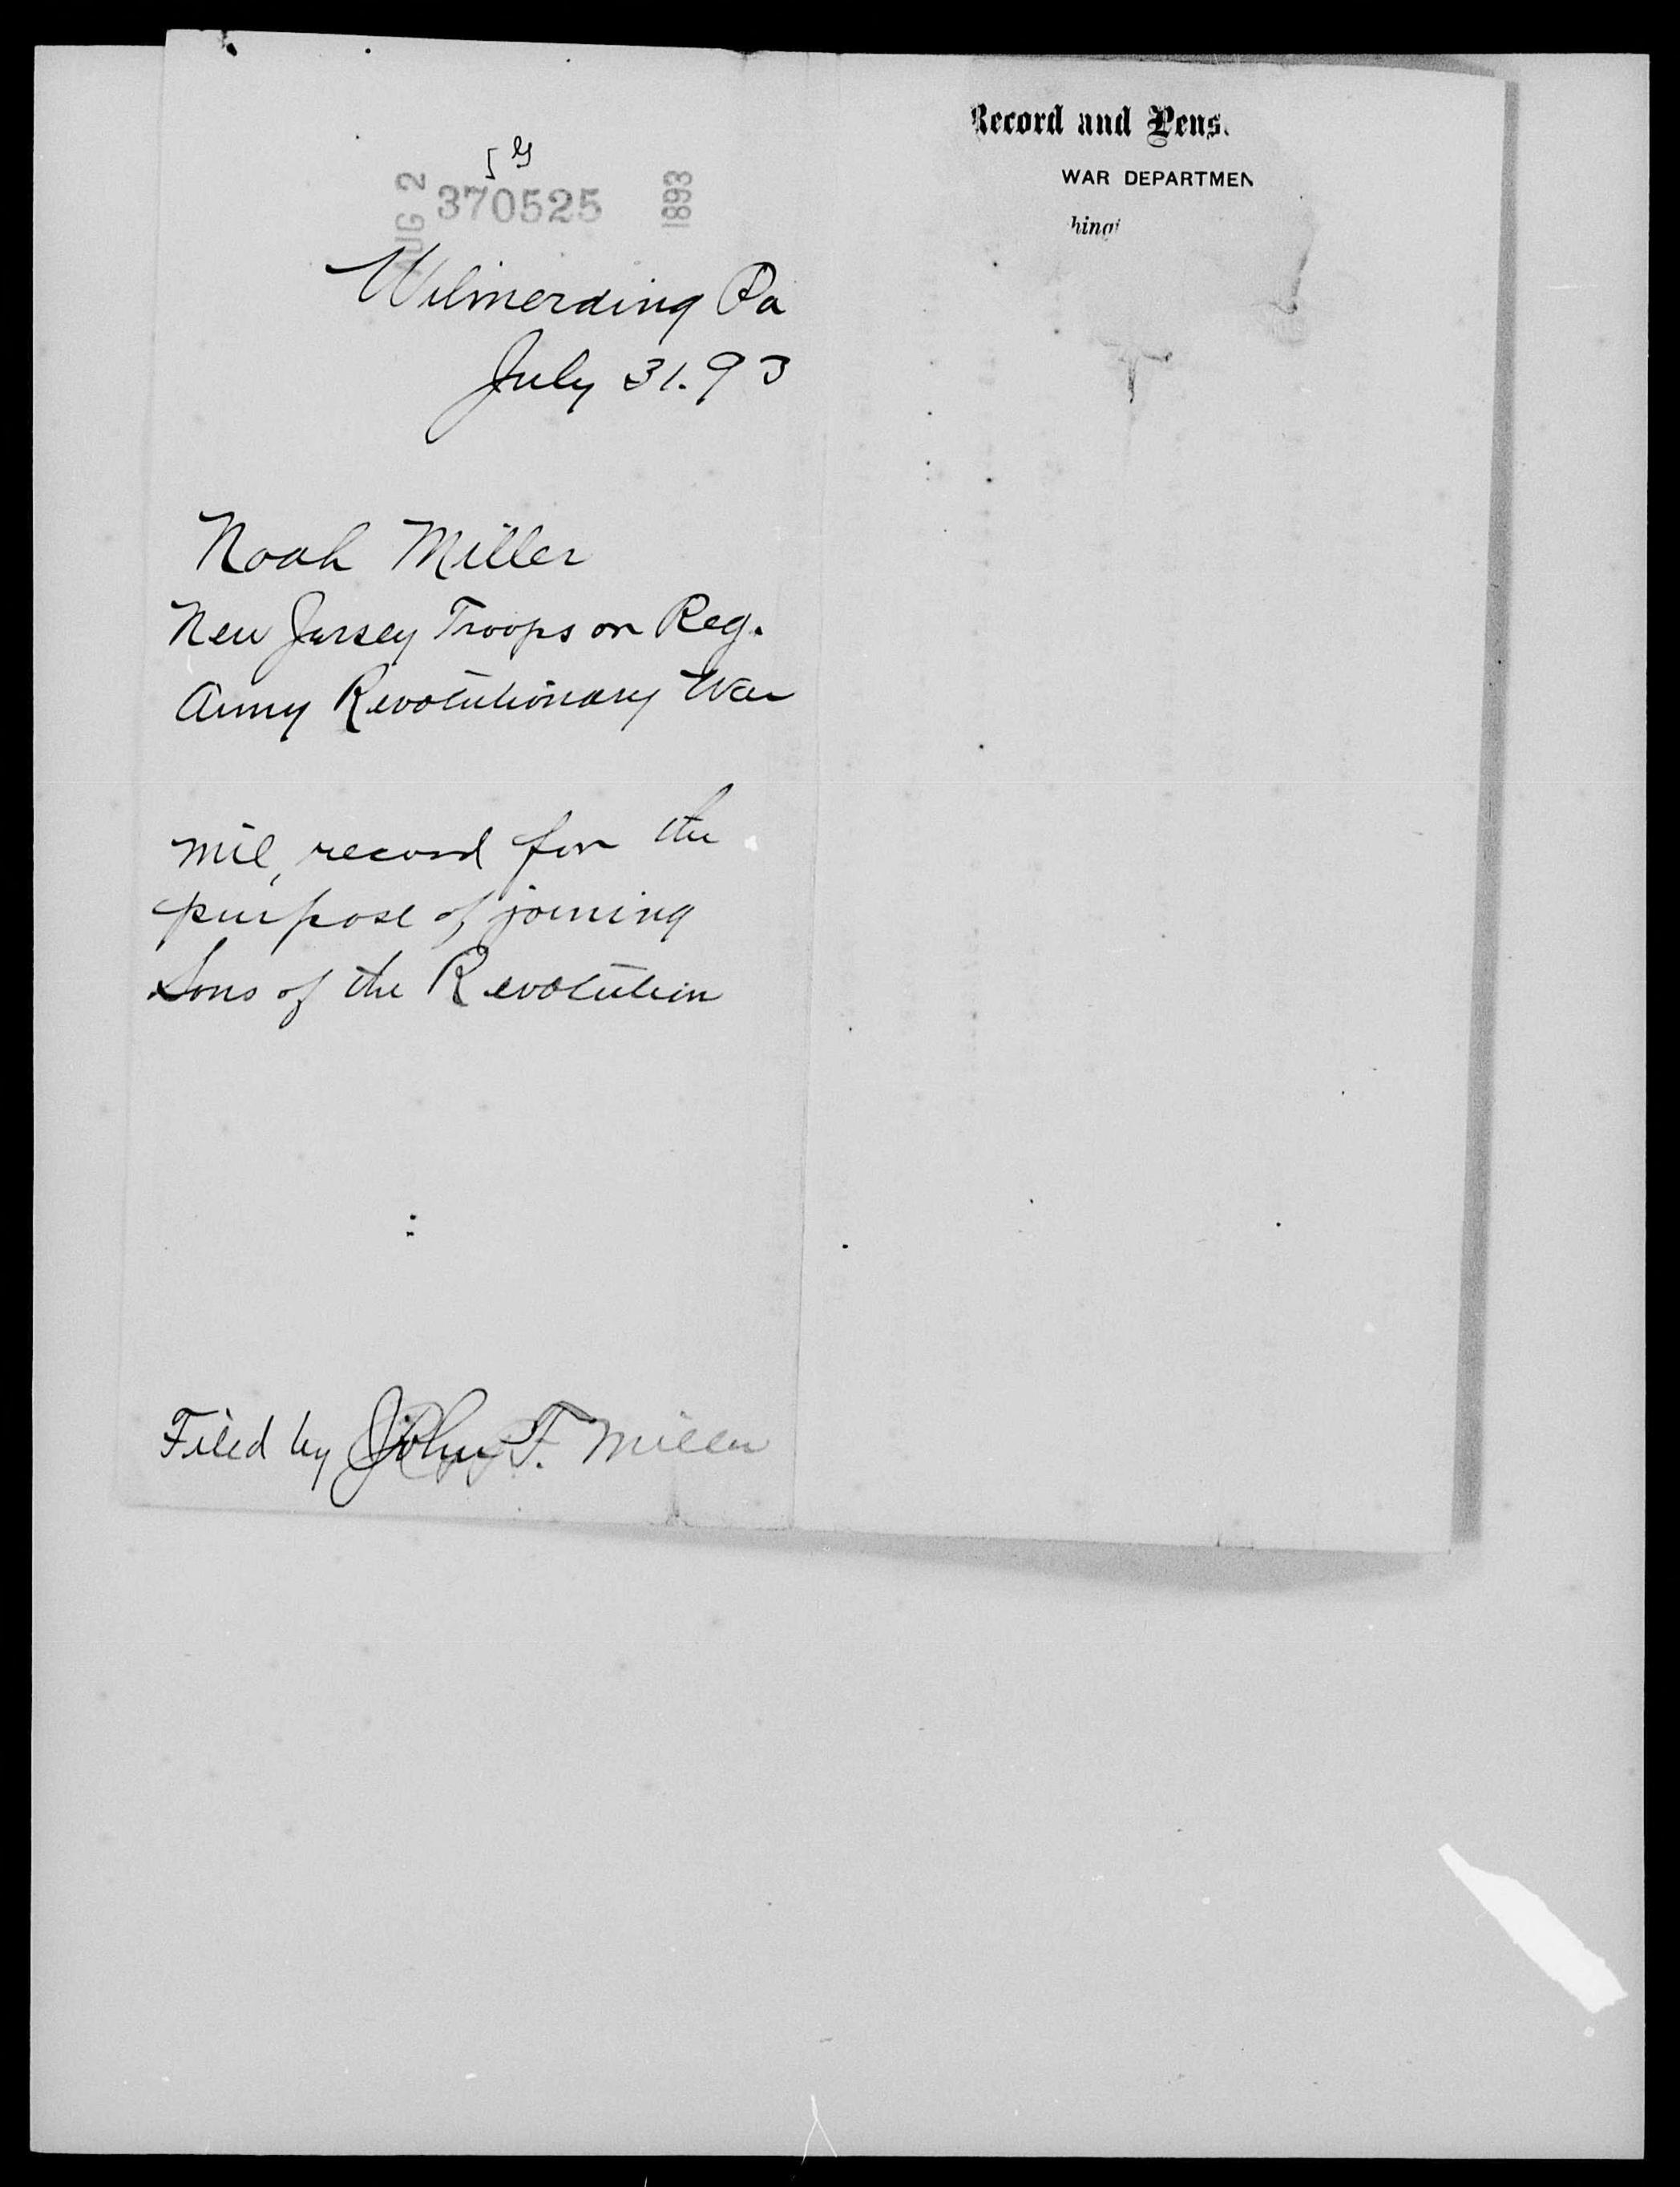Record and Pens.
WAR DEPARTMENT

Aug. 2 1893

Wilmerding Pa
July 31 93

Noah Miller
New Jersey Troops on Reg.
Army Revolutionary War
Mil. re for the purpose of
joining Sons of the Revolution

Filed by John F. Miller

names: Noah Miller; John F Miller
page: 18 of 20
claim: survivor's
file: S. 36129, for Noah Miller, New Jersey